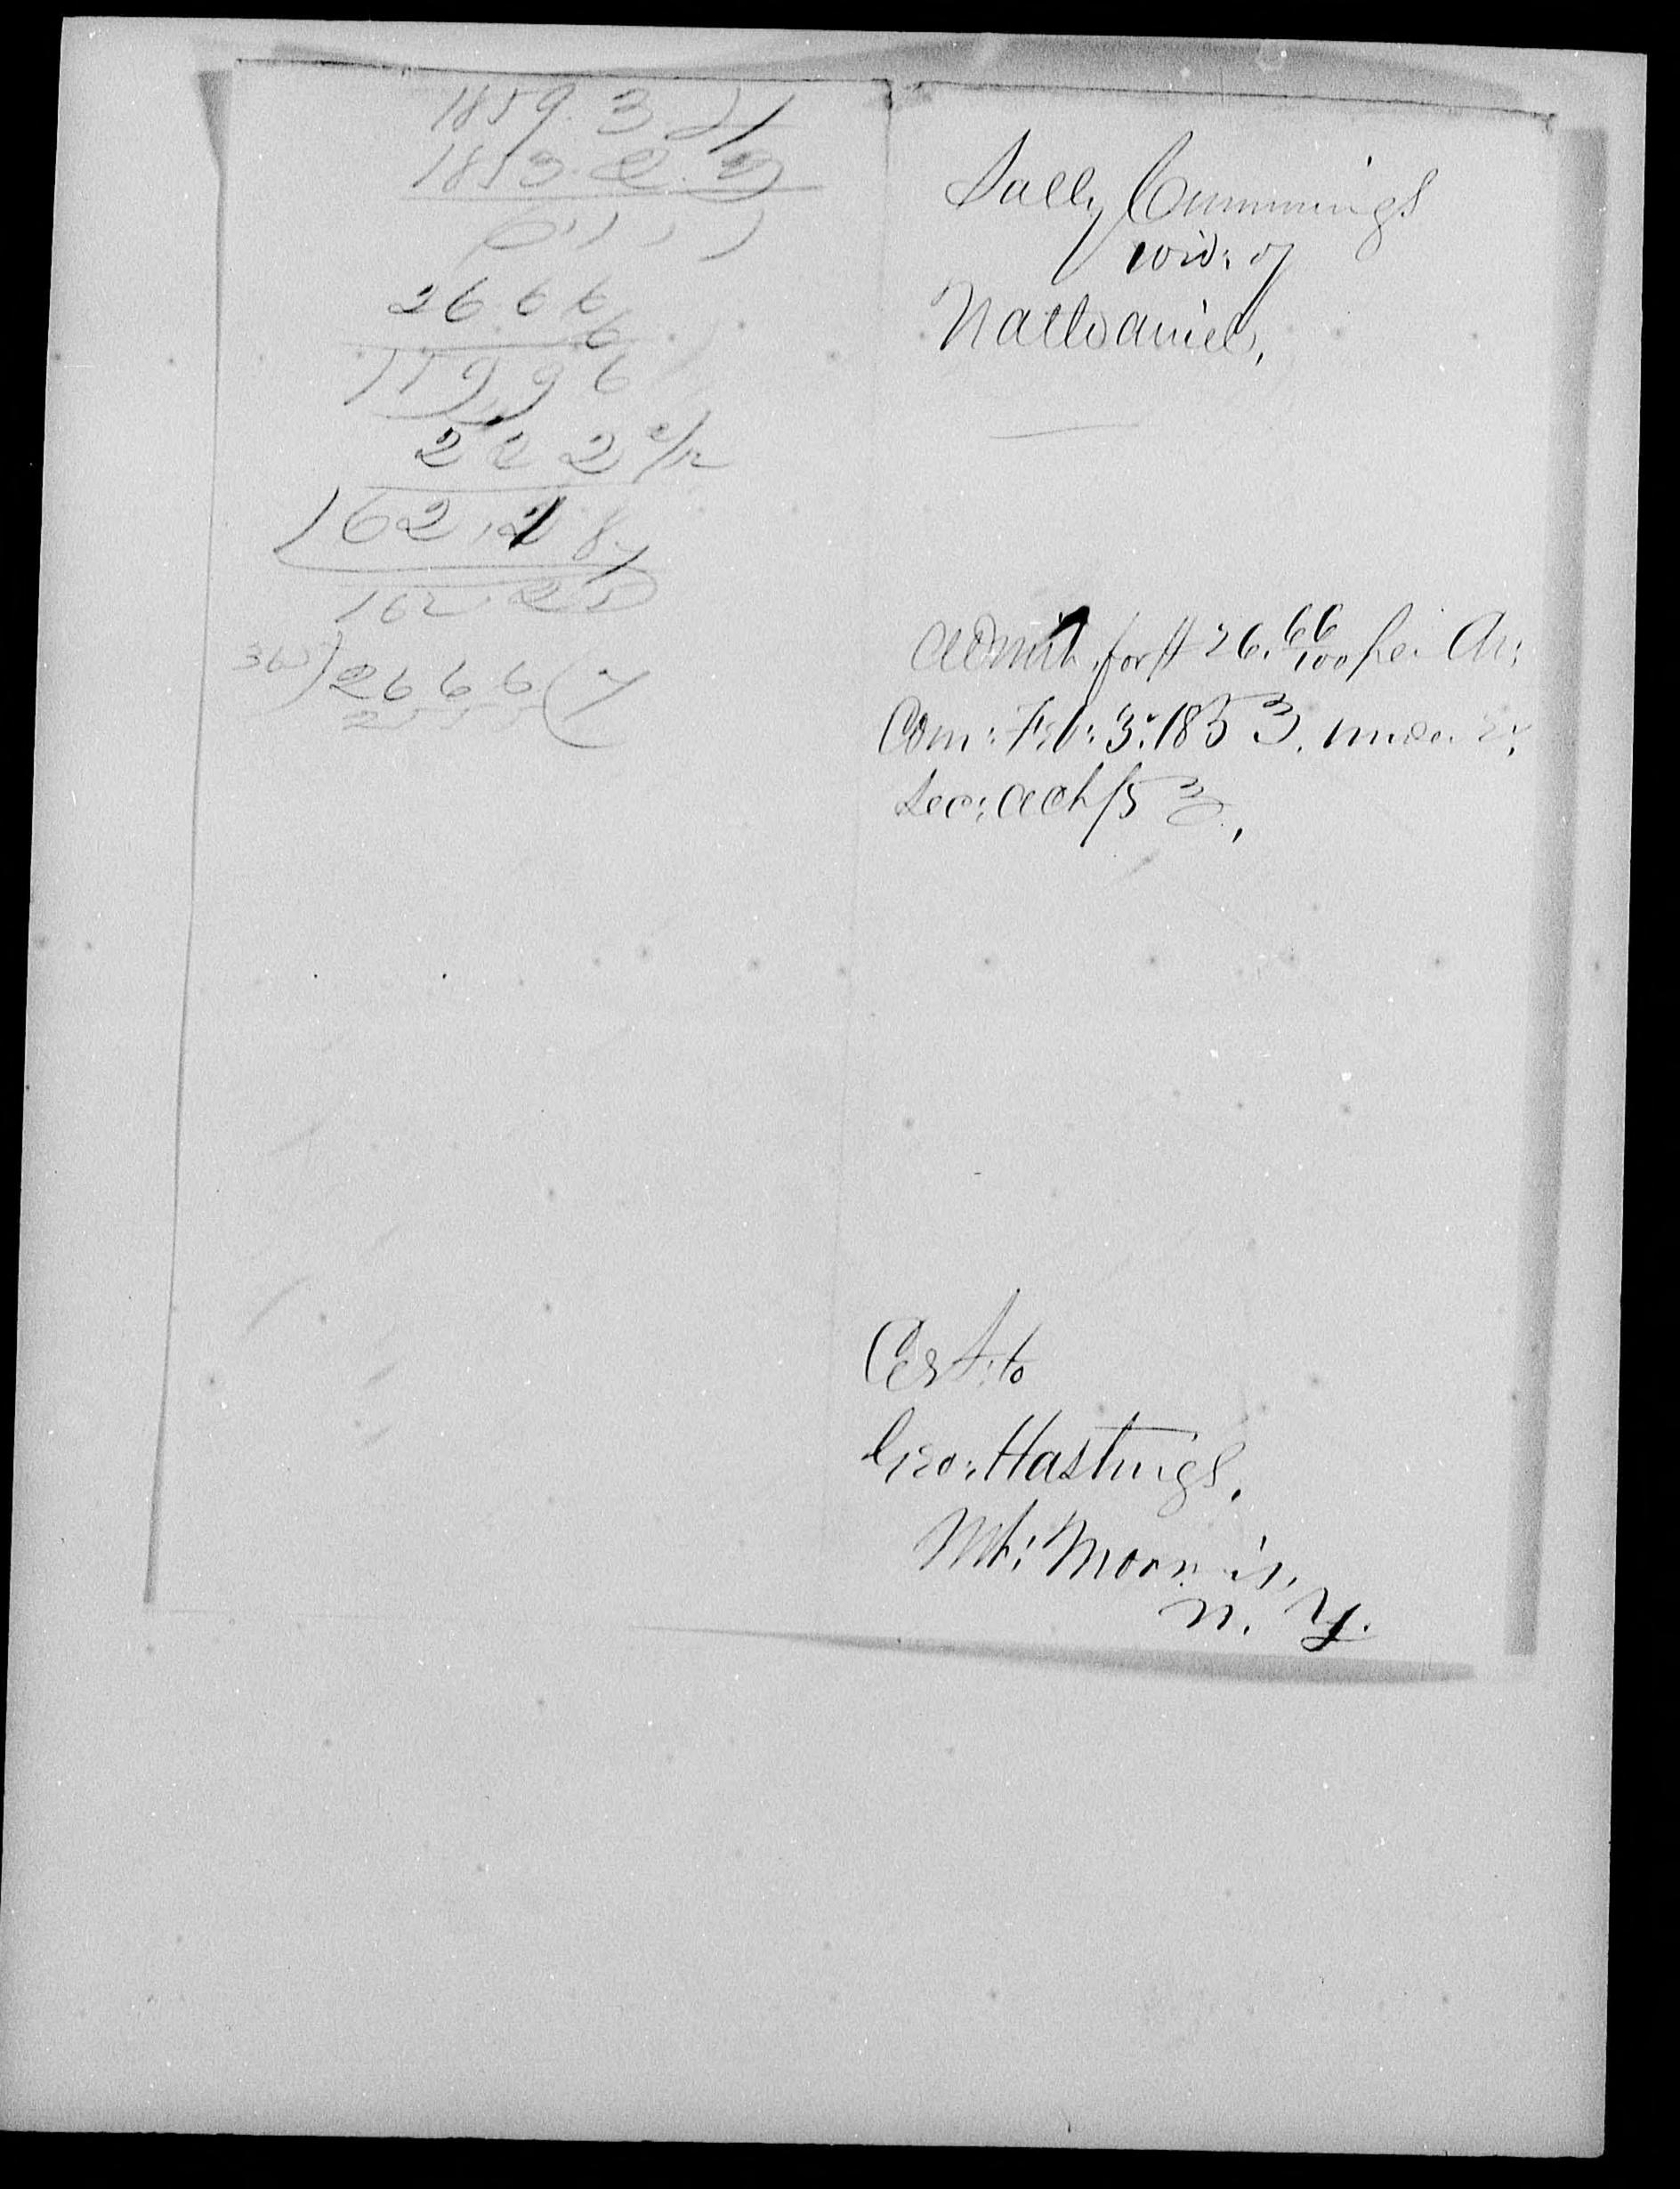Sally Cummings
Wid: of
Nathaniel
Admit for $26.600. A
Com Feb. 3, 1853, and in
Sec Act
Cert to
Geo. Hastings
Mt. Morris, N Y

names: Sally Cummings, Geo Hastings, Nathaniel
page: 35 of 41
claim: widow's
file: W. 9819, Nathaniel Cumings, Vt.